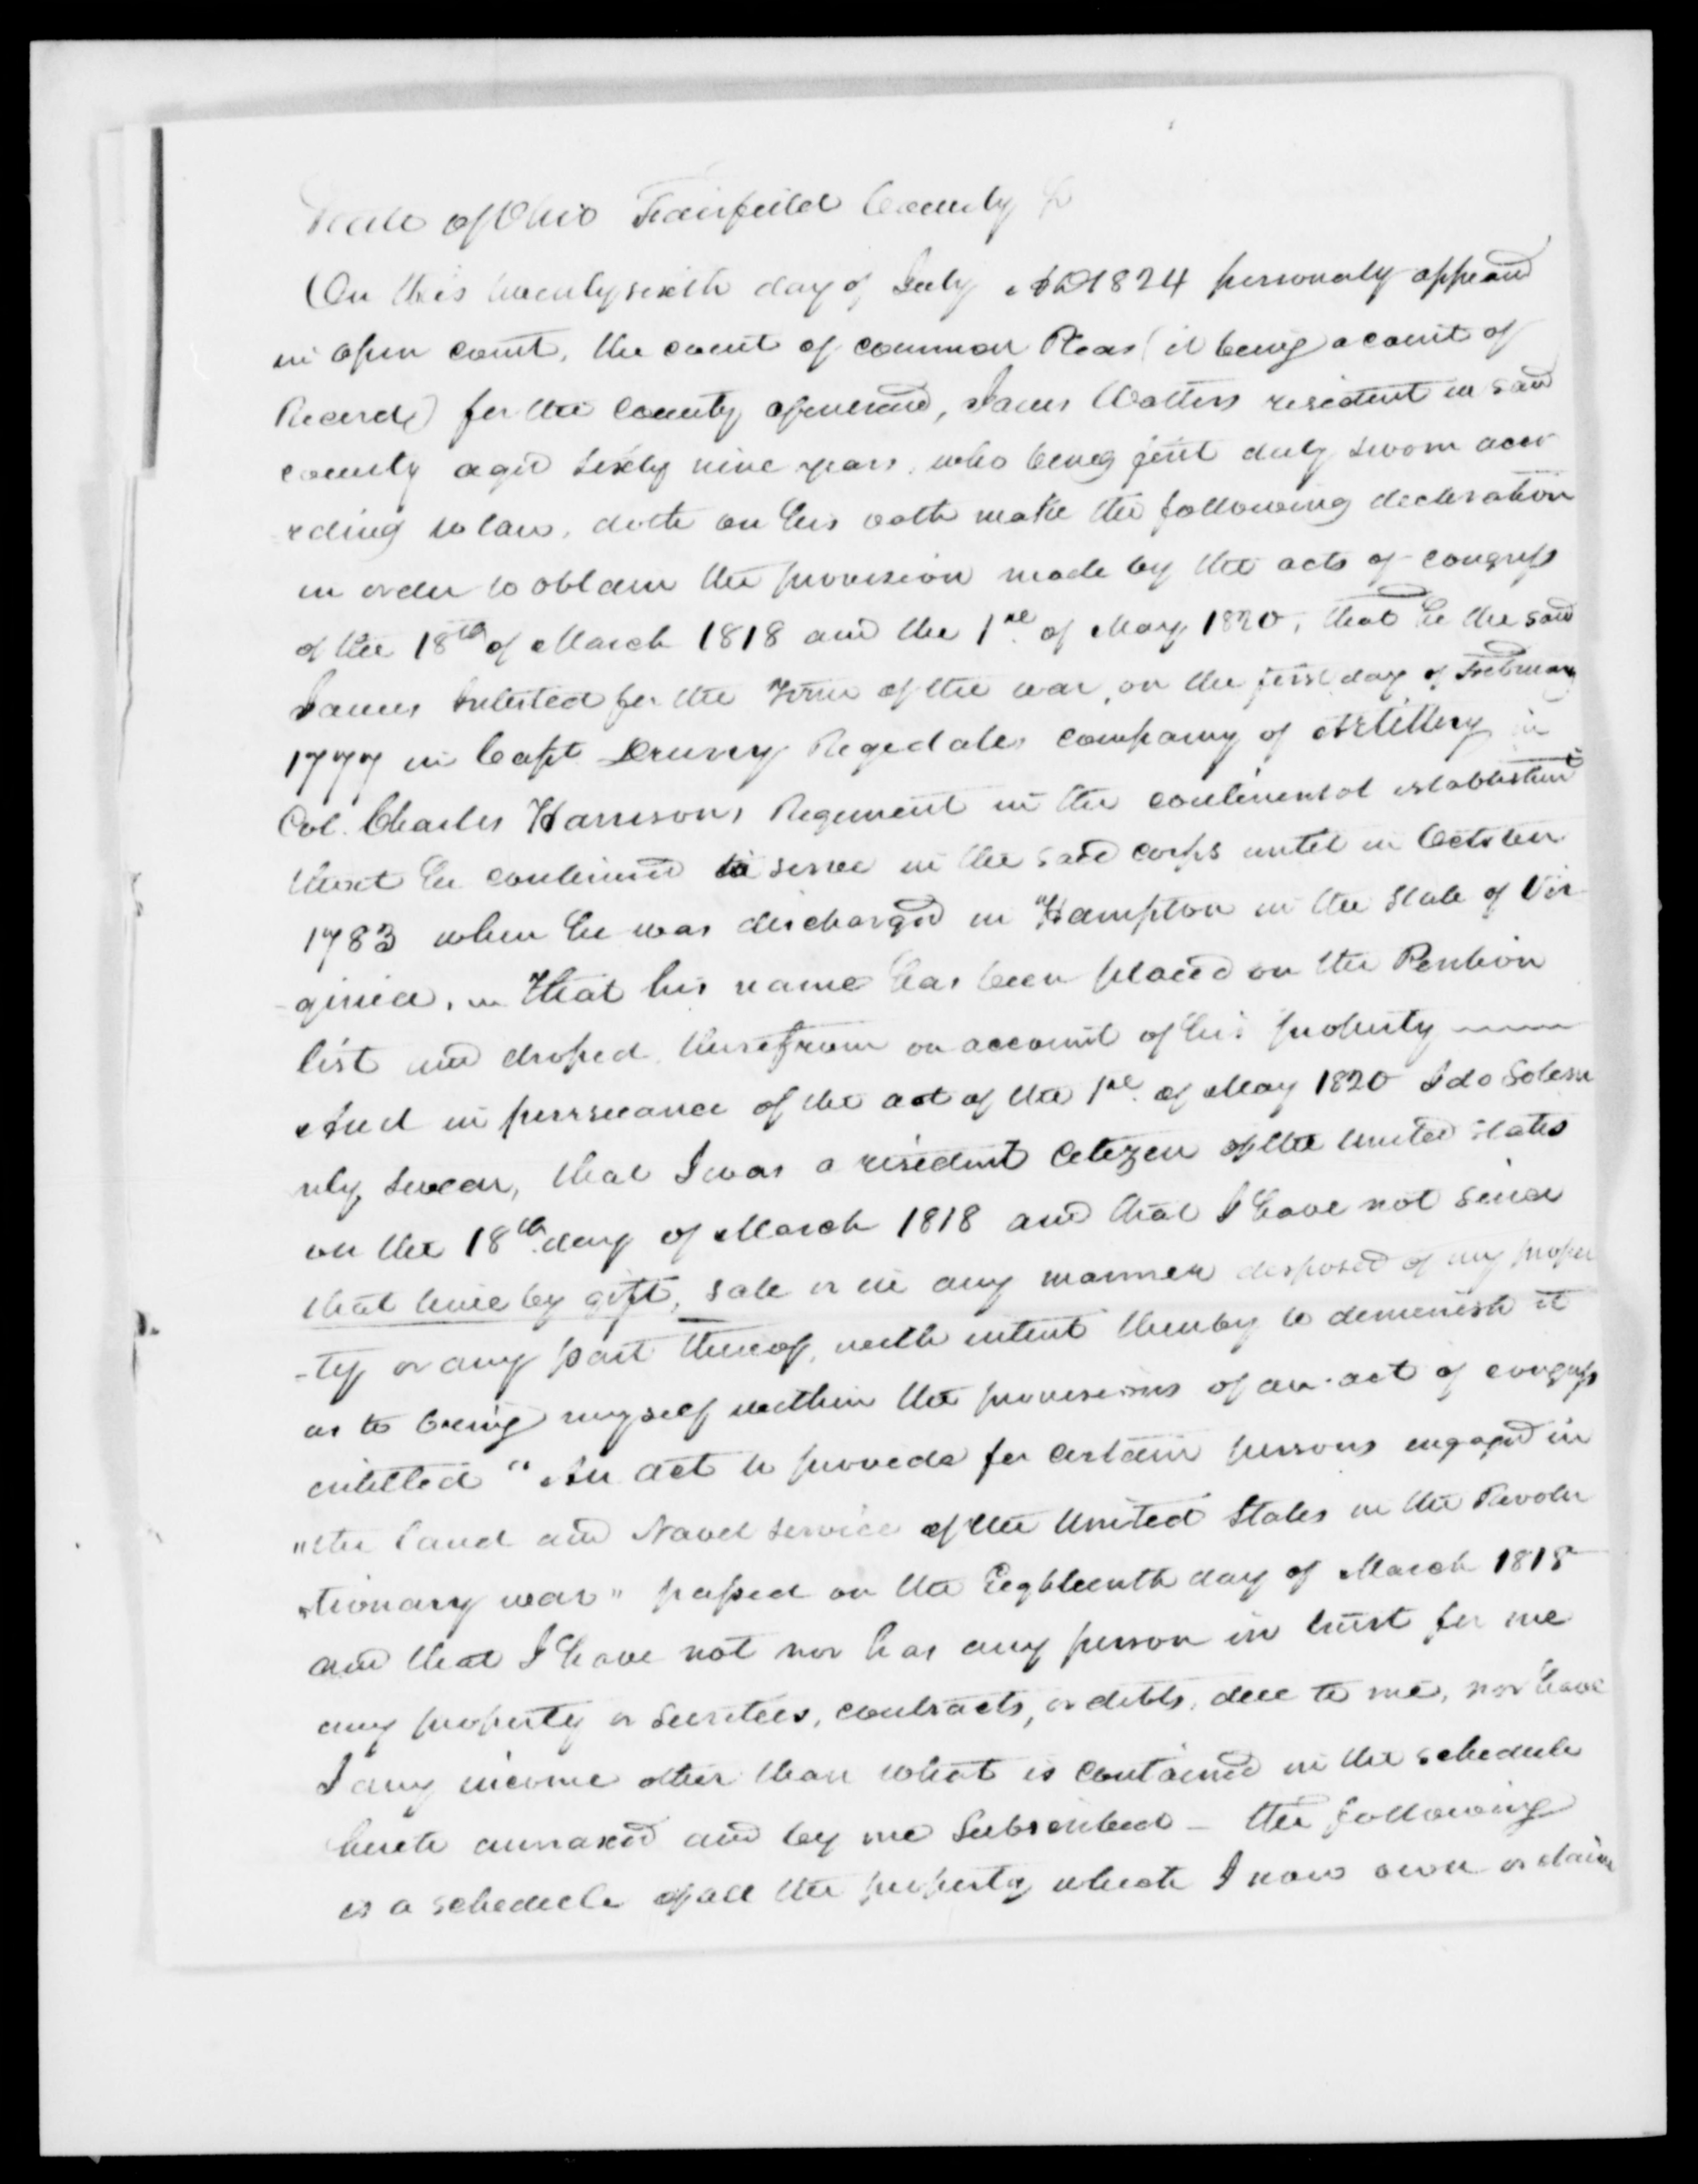State of Ohio Federfield County ss
On this twenty sixth day of July AD 1824 personally appeared
in open court, the court of Common Pleas (it being a court of
Record) for the County aforesaid, James Watters resident in said
County aged sixty nine years, who being first duly sworn according
to law, doth on his oath make the following declaration
in order to obtain the provision made by the acts of Congress
of the 18th of March 1818 and the 1st of May 1820, that he the said
James enlisted for the term of the war, on the first day of February
1777 in Capt Drury Regedales company of Artillery in
Col. Charles Harrisons Regiment in the continental establishment
and continued to serve in the said corps until in October
1783 when he was discharged in Hampton in the State of Virginia. That his name has been placed on the Pention
list and droped therefrom on account of his property
And in pursuance of the act of the 1st of May 1820 I do Solemnly
swear, that I was a resident citizen of the United States
on the 18th day of March 1818 and that I have not since
that time by gift, sale or in any manner disposed of my property
or any part thereof with intent thereby to diminish it
as to bring myself within the provisions of an act of congress
entitled "An act to provide for certain persons engaged in
the land and Navel service of the United States in the Revolutionary
war" passed on the Eighteenth day of March 1818
and that I have not nor has any person in trust for me
any property or sureties, contracts, or debts due to me, nor have
an income other than what is contained in the schedule
hereto annexed and by me subscribed -- the following
is a schedule of all the property which I now own or claim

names: James Watters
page: 5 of 29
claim: survivor's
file: S. 40642, James Waters, Continental (Md)